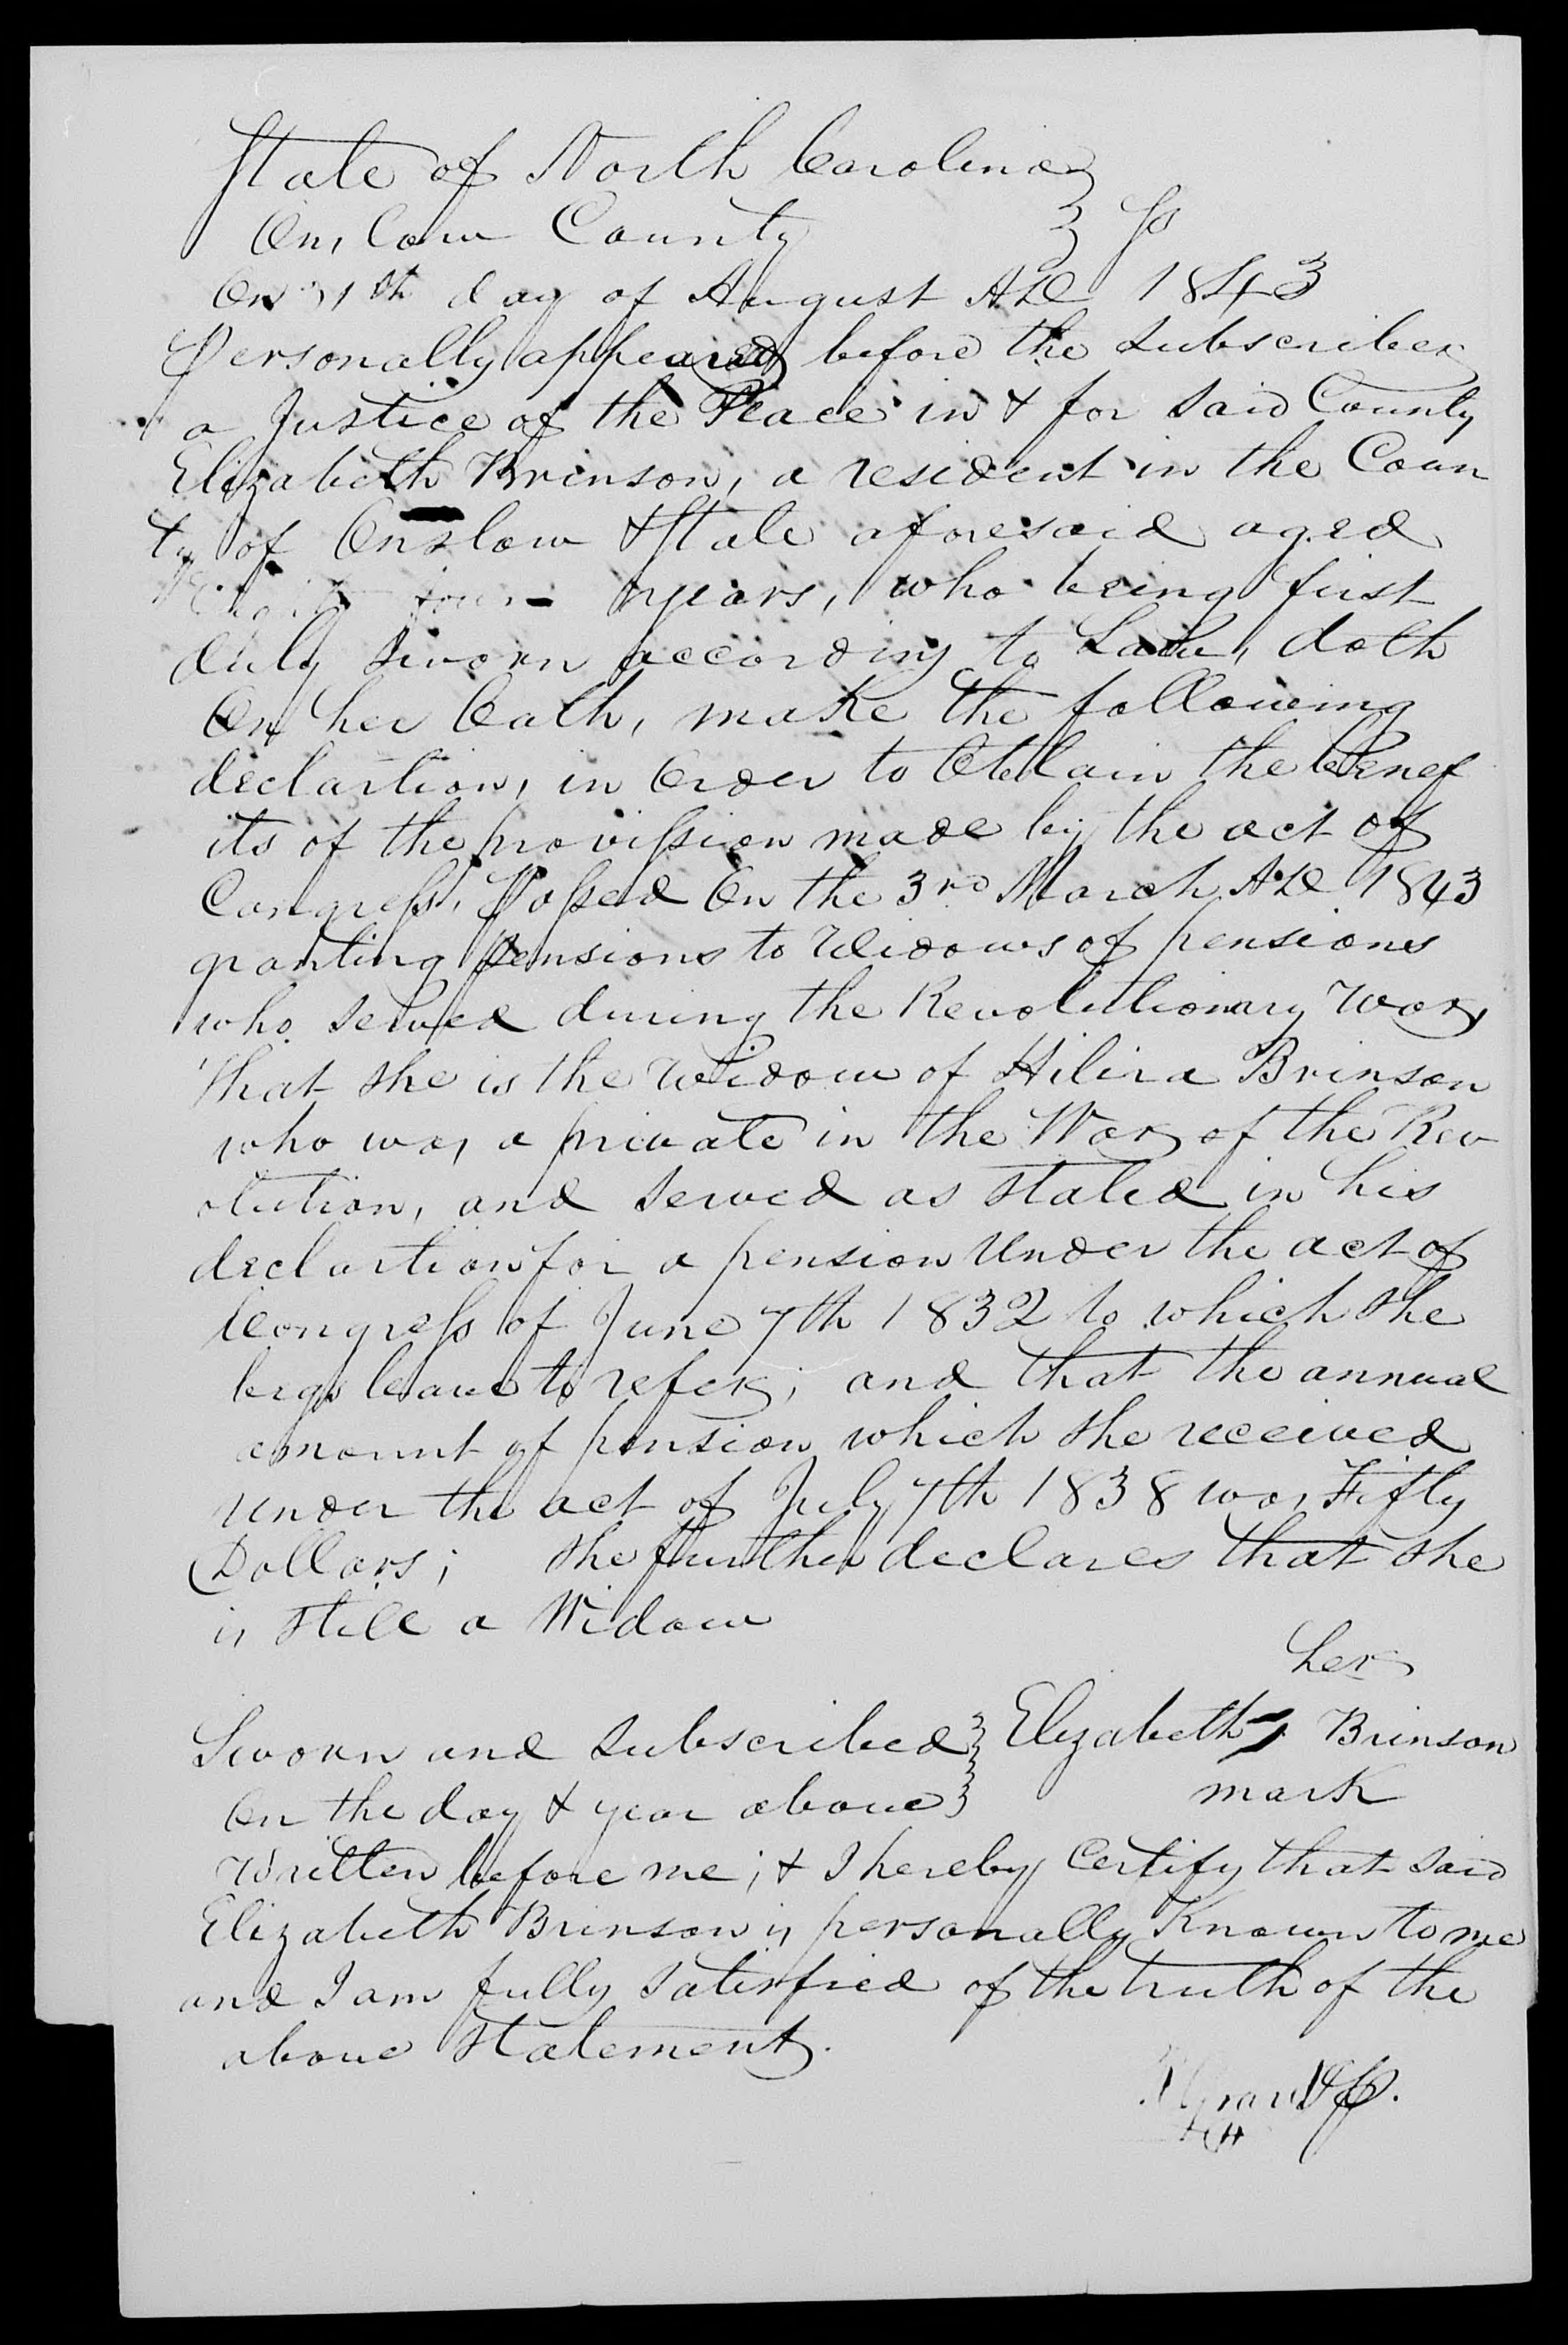State of North Carolina
Onslow County } SS

On31st day of August AD 1843 personally appeared before the subscriber  a Justice of the Peace in and for said county  Elizabeth Brinson, a resident in the County of Onslow and state aforesaid aged eighty four years, who being first duly sworn according to Law, doth on her oath, make the following declaration, in order to obtain the benefits of the provision made by the act of Congress passed on the 3rd March AD 1843 granting pensions to widows of pensioners who served during the Revolutionary War. That she is the widow of Hilira Brinson who was a private in the War of the Revolution, and served as stated in his declaration for a pension under the act of  Congresss of June 7th 1832 to which she [illegible] to refers; and that the annual amount of pension which she received under the act of July 7th 1838 was Fifty Dollars; she further declares that she is still a widow.  Elizabeth Brinson (her mark)

Sworn and subscribed on the day and year above written before me; and I hereby certify that said Elizabeth Brinson is personally known to me and I am full satisfied of the truth of the above statement.  R. Grant JP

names: R Grant, Elizabeth Brinson, Elizabeth Brinson, Elizabeth Brinson, Hilira Brinson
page: 28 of 38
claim: widow's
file: W. 5231, Hilary Brinson, N.C.